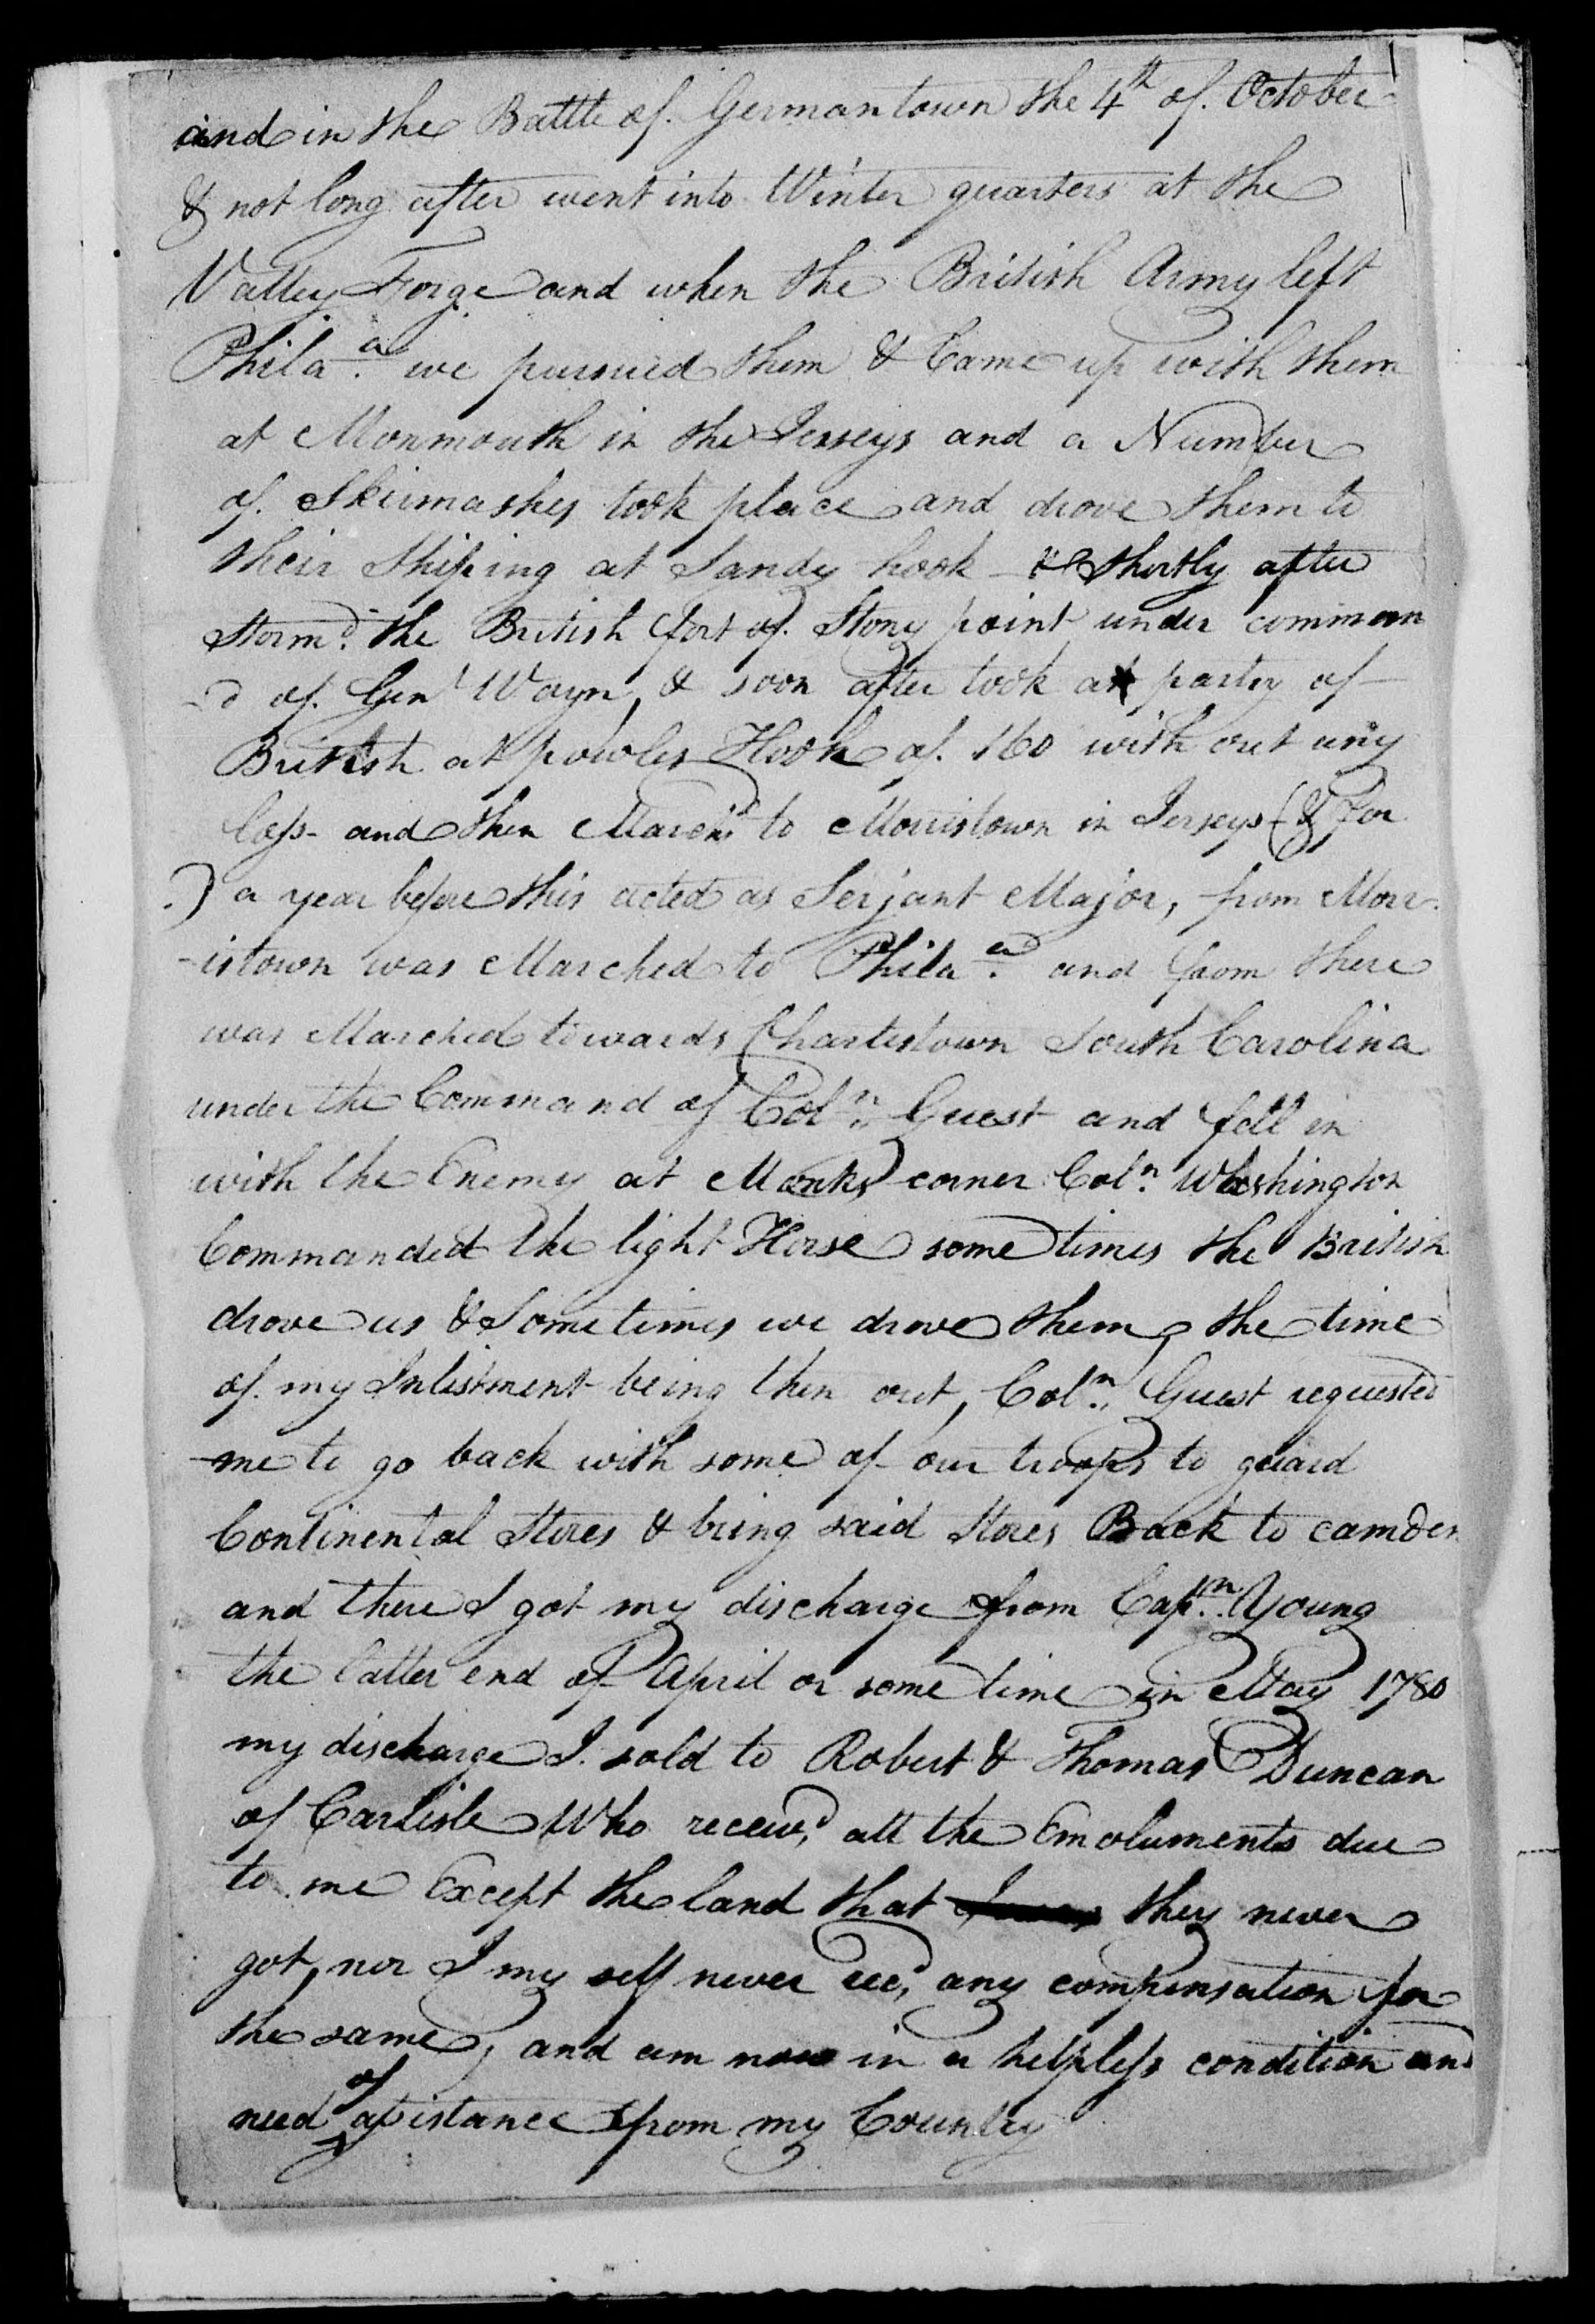and in the Battle of Germantown the 4th of October & not long after went into Winter quarters at the Valley Forge and when the British Army left Phila we pursued them & came up with them at Monmouth in the Jerseys and a Number of Skirmishes took place and drove them to their Shiping at Sandy hook & Shortly after Storm the British fort of stony point under command of Genl Wayn & soon after took a party of British at Powles Hook of 160 with out any loss and then March to Morristown in Jerseys & for a year before this acted as Serjant Major, from Morristown was Marched to Phila and from there was Marched towards Charlestown South Carolina under the command of Col Guest and fell in with the enemy at Monks corner Col Washington commanded the light Horse some times the British drove us & Sometimes we drove them. the time of my enlistment being then out Coln Guest requested me to go back with some of our troops to guard Continental Stores & being said Stores Back to camden and there I got my discharge from Capt Young the latter end of April or some time in May 1780 my discharge I sold to Robert & Thomas Duncan of Carlisle who received all the emoluments due to me except the land that they never got, nor I my self never recd any compensation for the same, and am now in a helpless condition and need of assistance from my County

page: 14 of 77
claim: widow's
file: W 2954, for James Mc Gee, Delaware